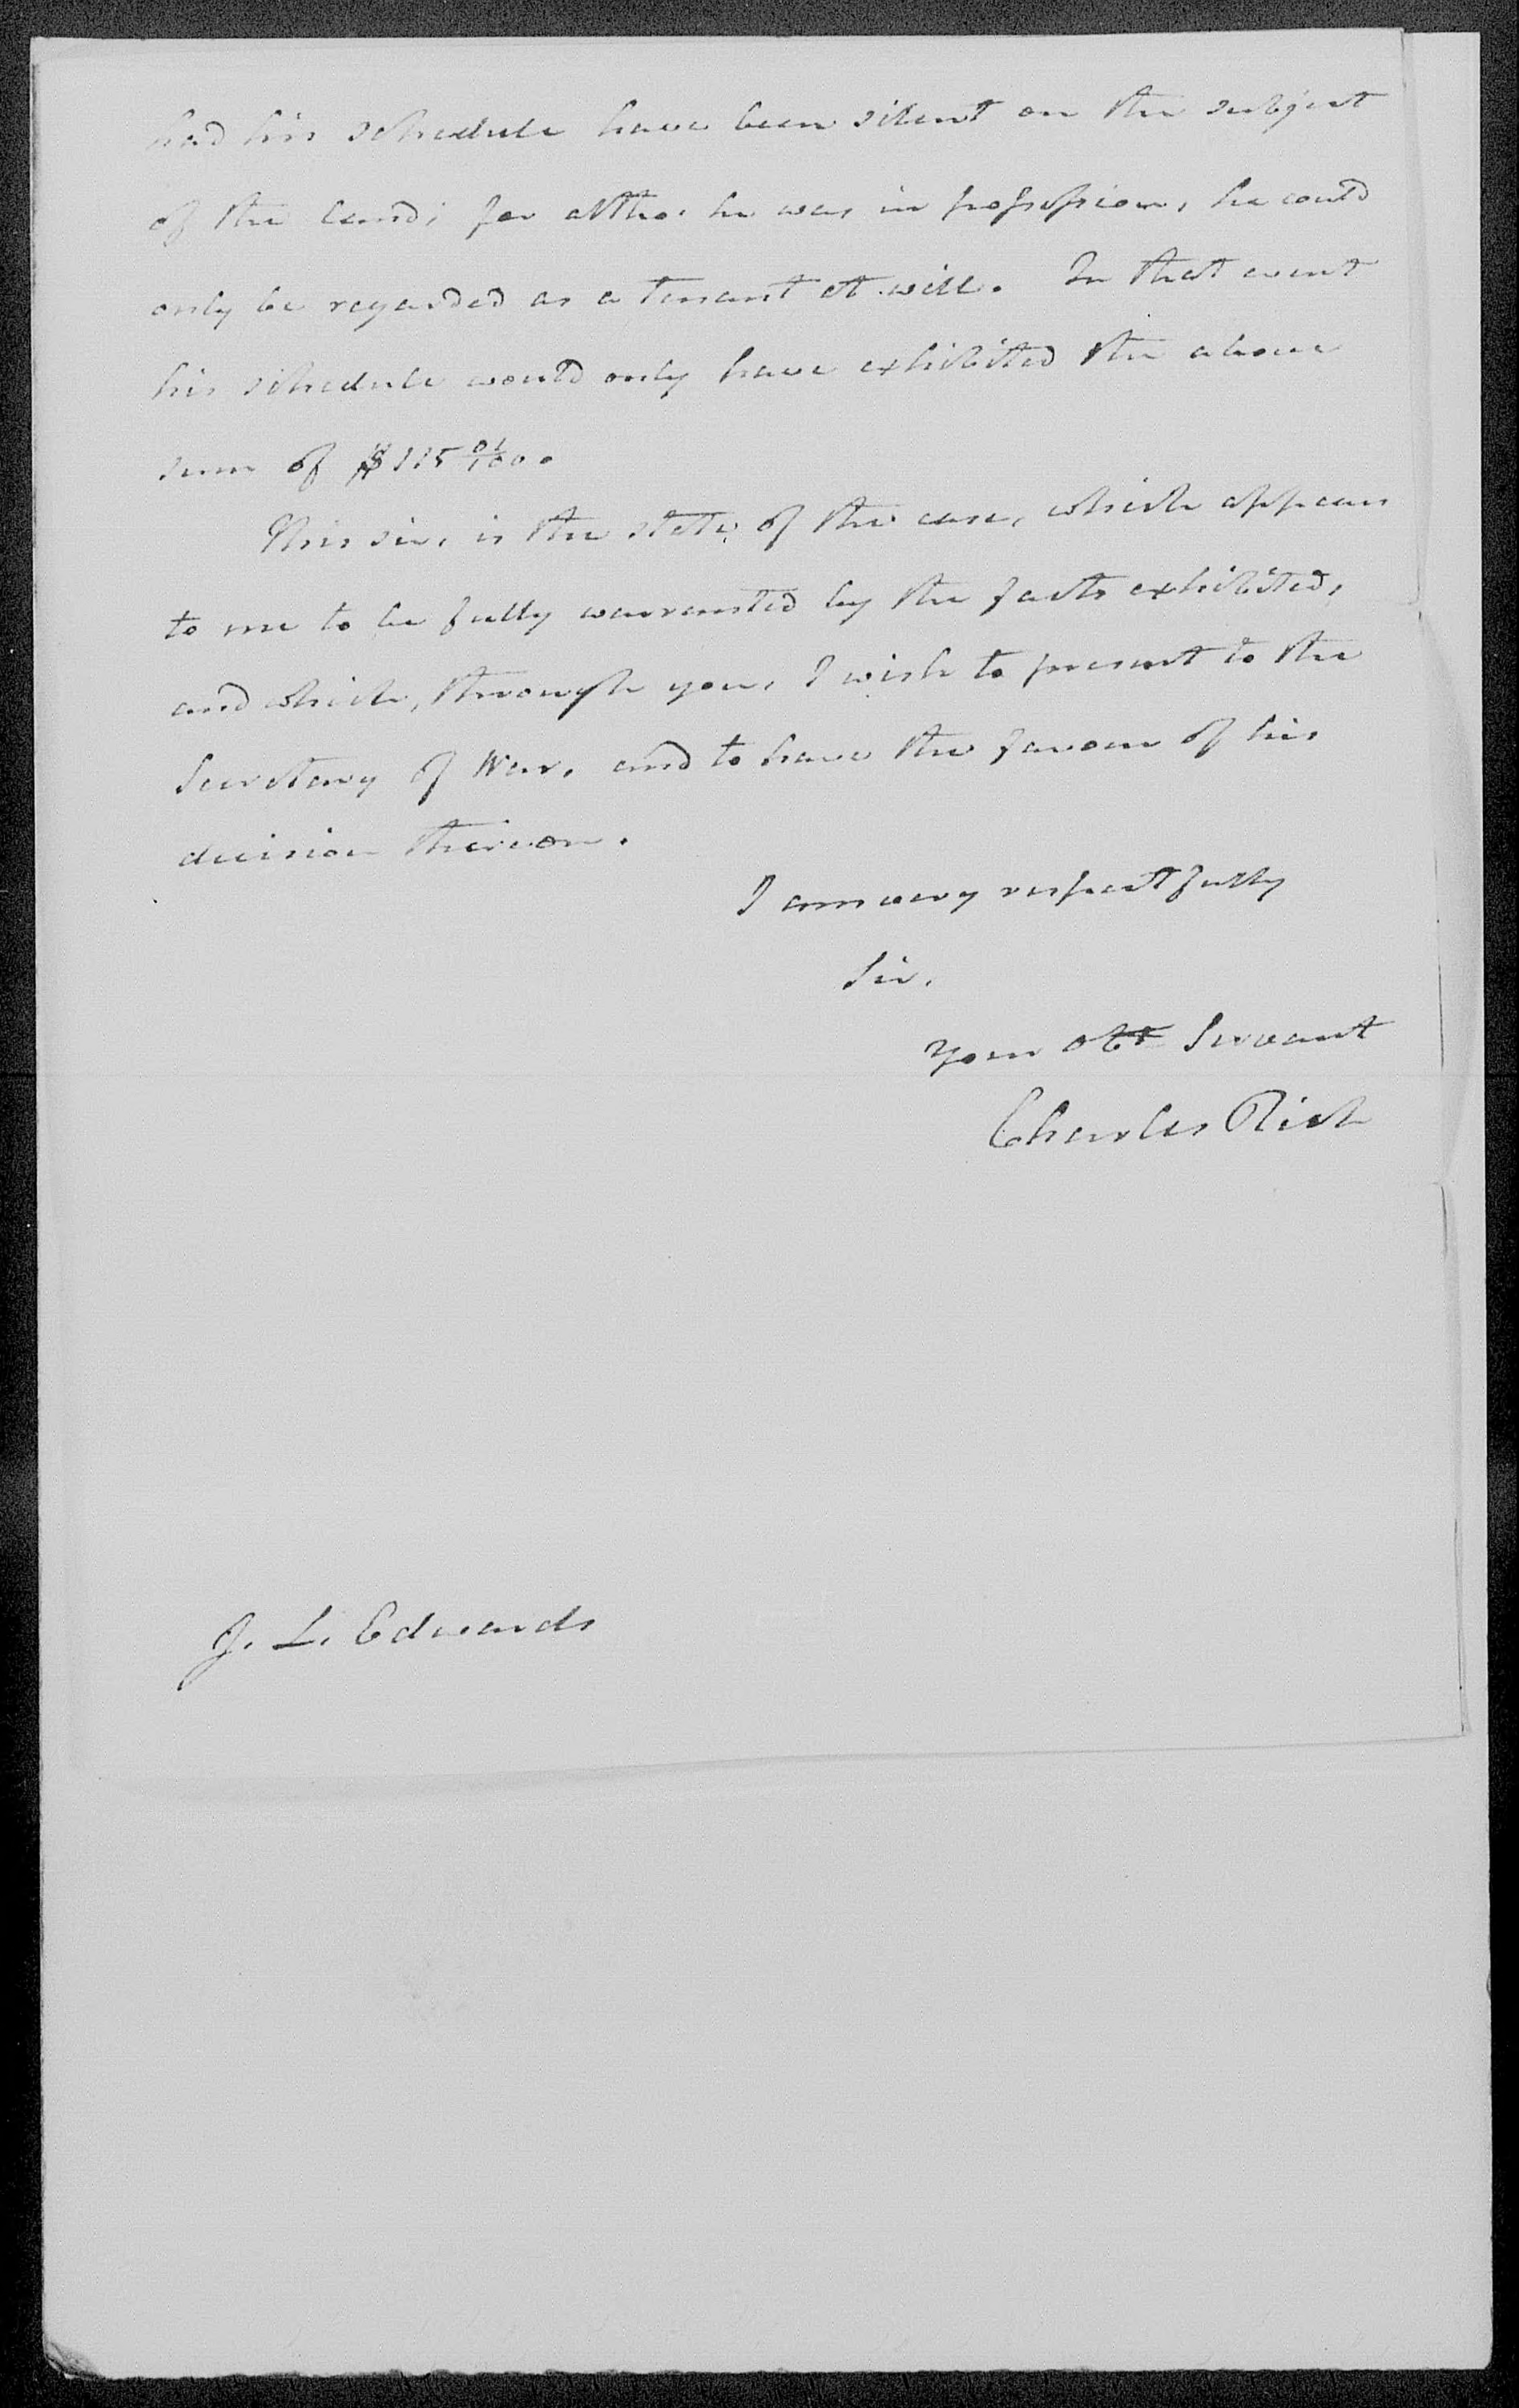had his schedule have been silent on the subject of the land; for altho he was in possession, he could only be regarded as a tenant at will. In that event his schedule would only have exhibited the above sum of $115 01/100.
This sir, is the state f the case, which appears to me to be fully warranted by the facts  exhibited and which, through you, I wish to present to the Secretary of War, and to have the favour of his decision thereon.
I am very respectfully
Sir
your Obt Servant
Charles Rich 

J.L. Edwards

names: J L Edwards, Charles Rich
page: 47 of 83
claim: widow's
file: W. 10,384, Oliver Barrett, Continental (Vt.) N.Y.